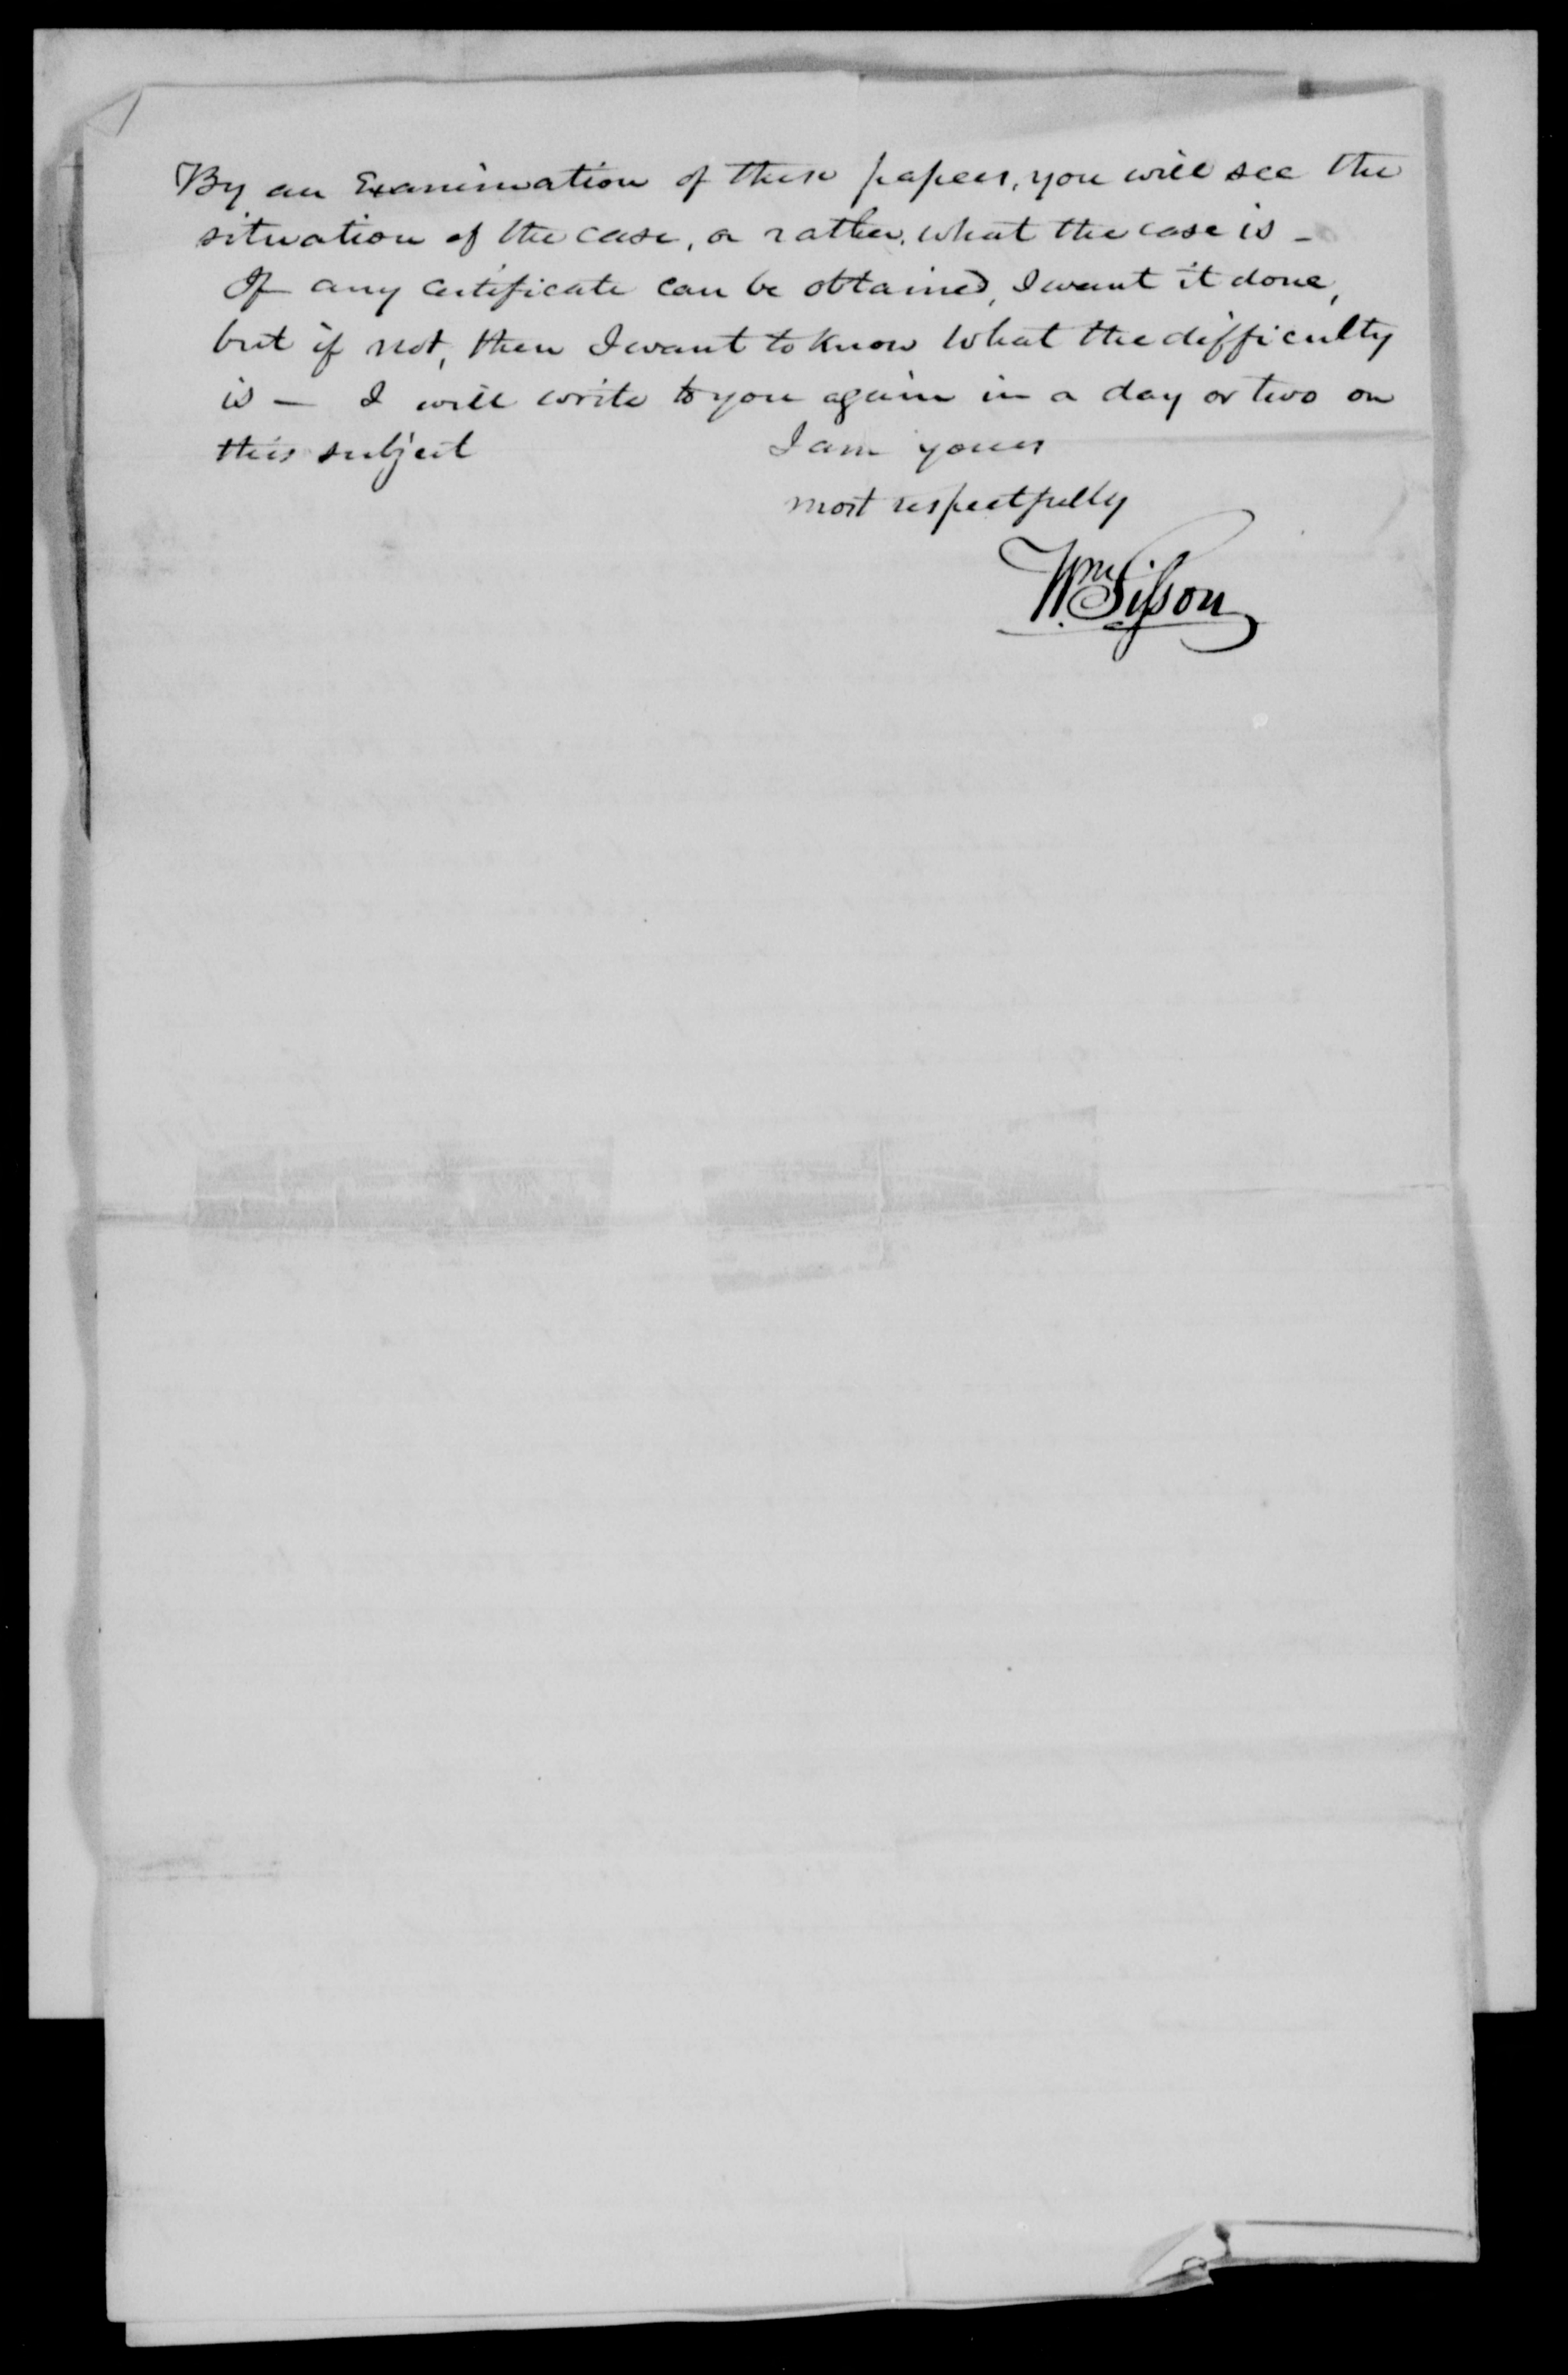By an examination of these papers you will see the situation of the case, or rather, what the case is.  If any certificate can be obtained, I want it done, but if not, then I want to know what the difficulty is.  I will write to you again in a day or two on this subject.  I am yours most respectfully (signature) Wm Sisson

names: Wm Sisson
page: 56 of 66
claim: widow's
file: W. 19588, William Walling, New Jersey